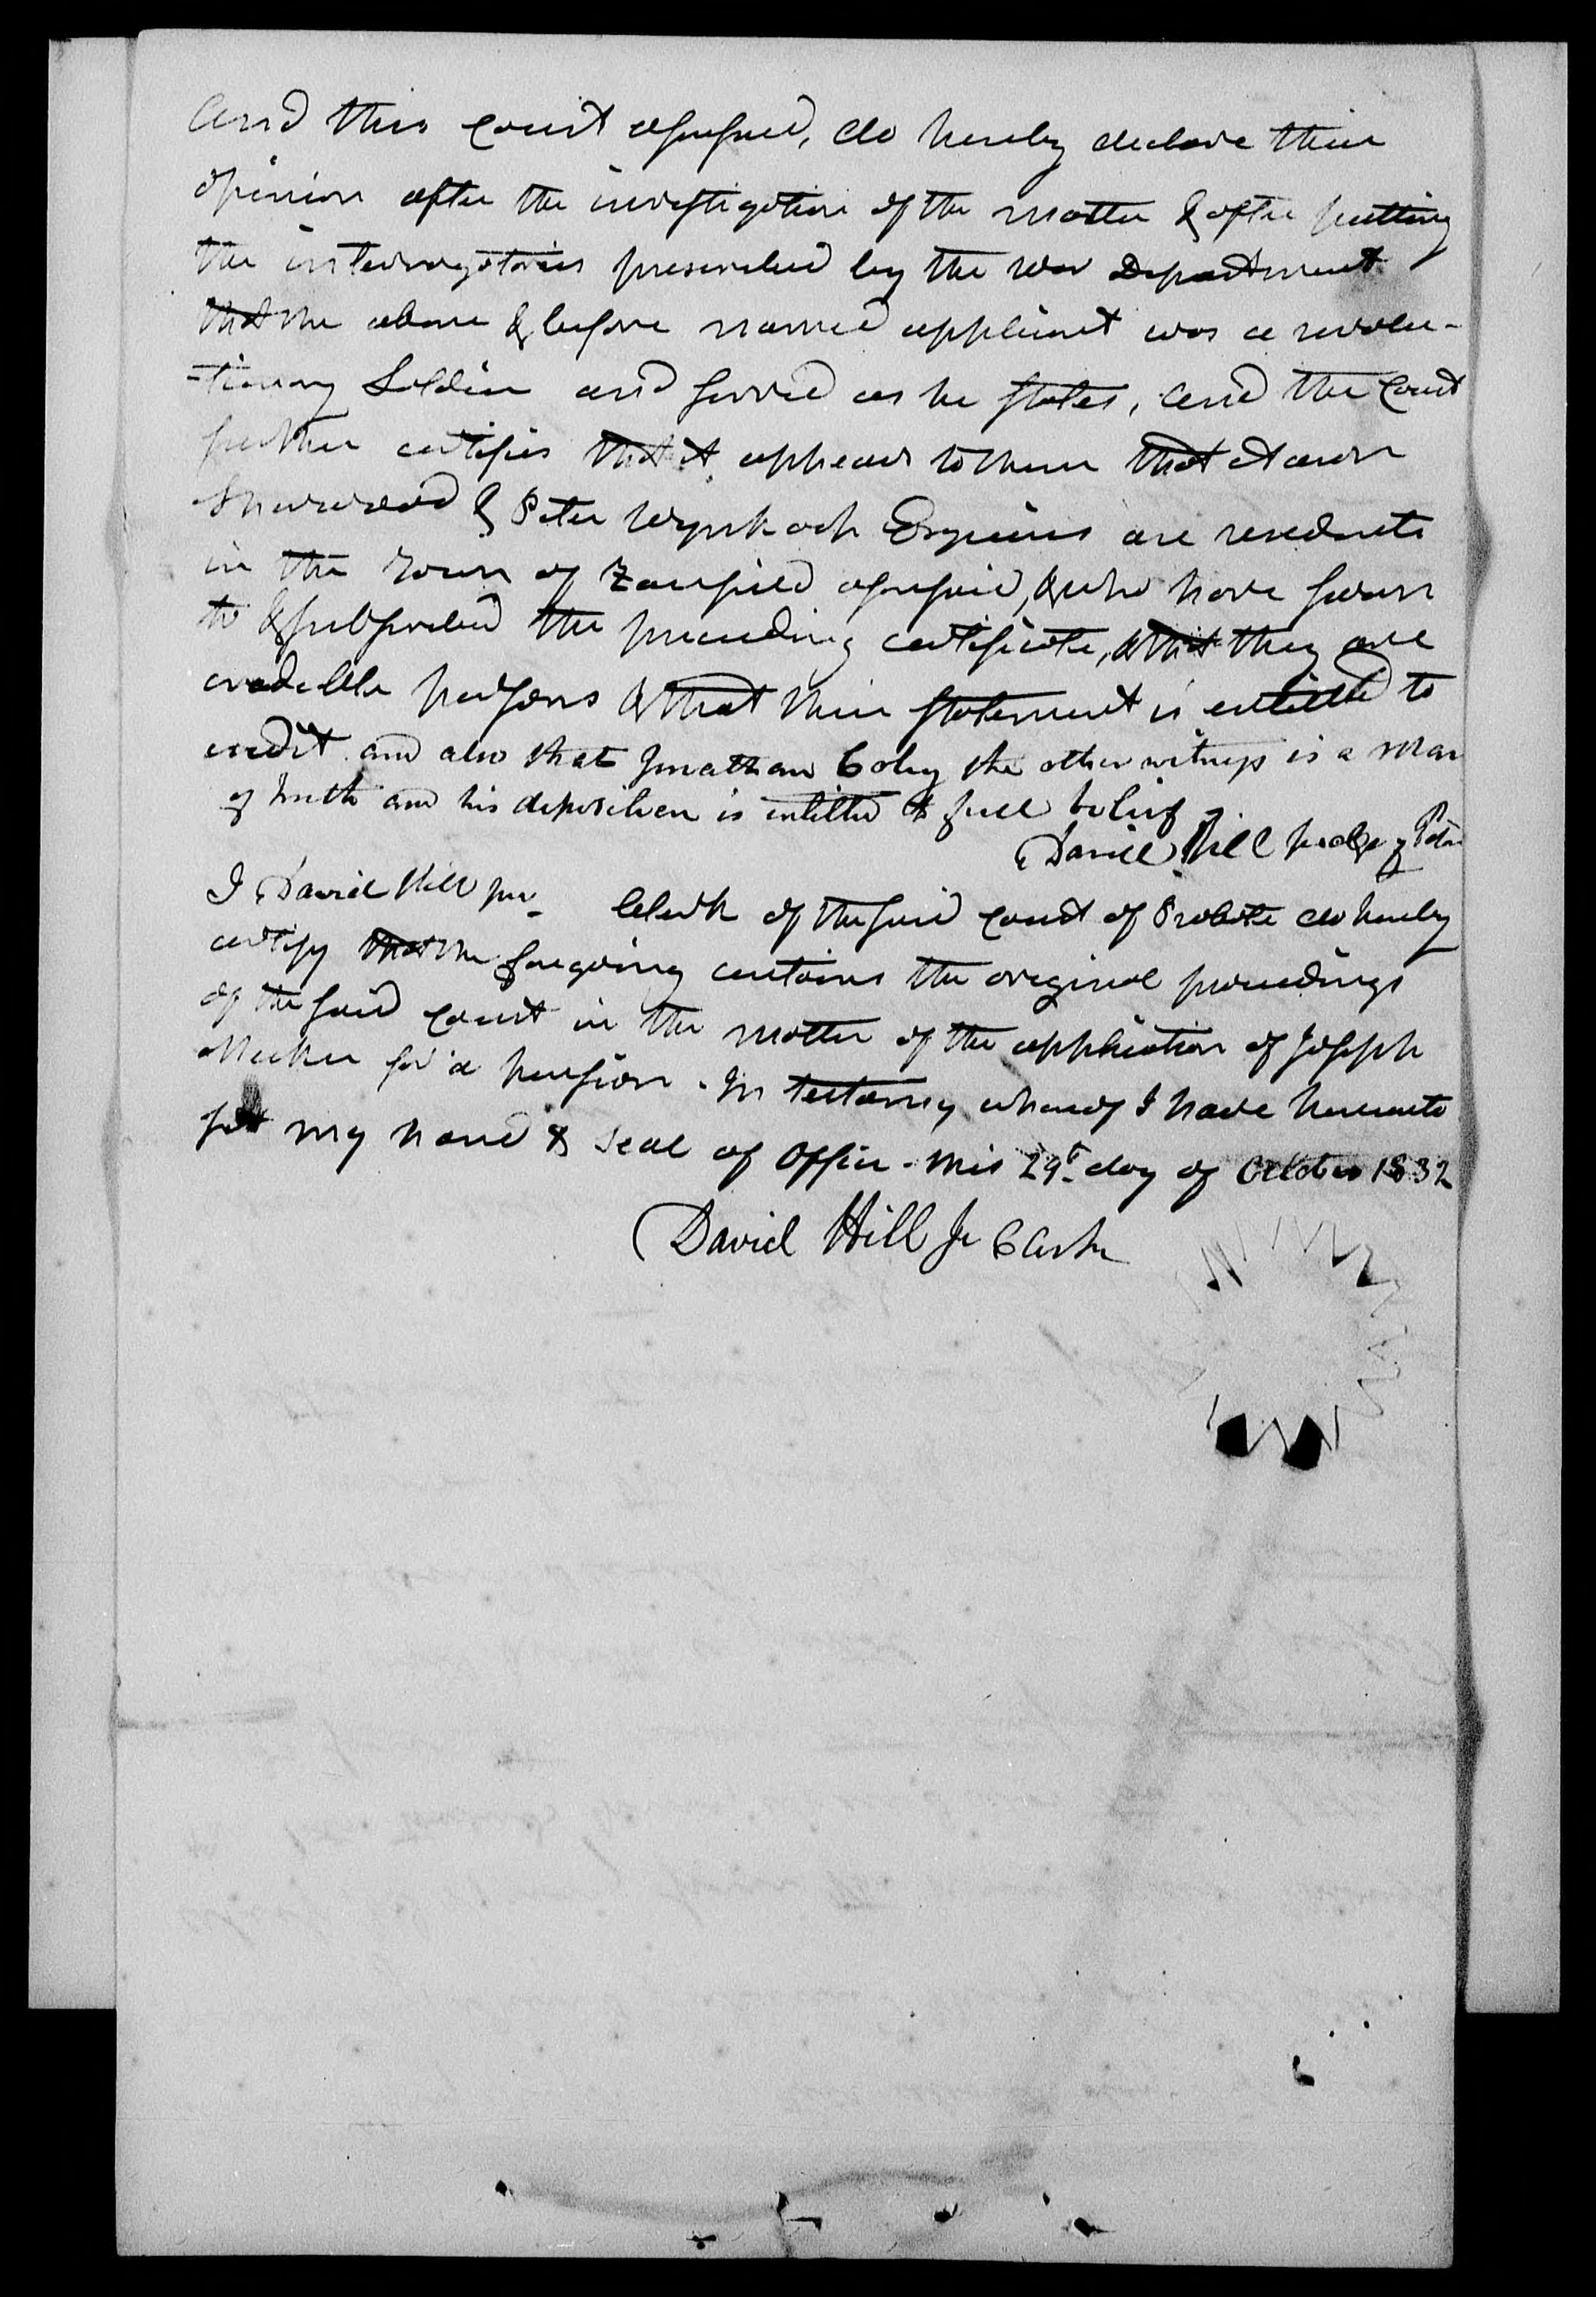And this Court aforesaid, do hereby declare their opinion after the investigation of the matter & after putting the interrogatories prescribed by the War Department
that the above & before named applicant was a revolutionary Soldier and served as he states, and the Court further certifies that it appears to them that Aaron
Sherwood & Peter Wynkoop Esquires are residents in the Town of Fairfield aforesaid, & who have sworn to & subscribed the preceding certificate, & that they are
credible persons & that their statement is entitled to credit and also that Jonathan Coley the other witness is a man of truth and his deposition is entitled to full belief.
David Hill Jr Judge of Probate
I David Hill Jr Clerk of the said Court of Probate do hereby certify that the foregoing contains the original proceedings
of the said Court in the matter of the application of Joseph Meeker for a pension. 
In testimony whereof I have hereunto set my hand & seal of office this 29th day of October 1832
David Hill Jr Clerk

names: David Hill; Aaron Sherwood; Jonathan Coley; Joseph Meeker; Peter Wynkoop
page: 10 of 22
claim: survivor's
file: S. 15,517, for Joseph Meeker, Connecticut